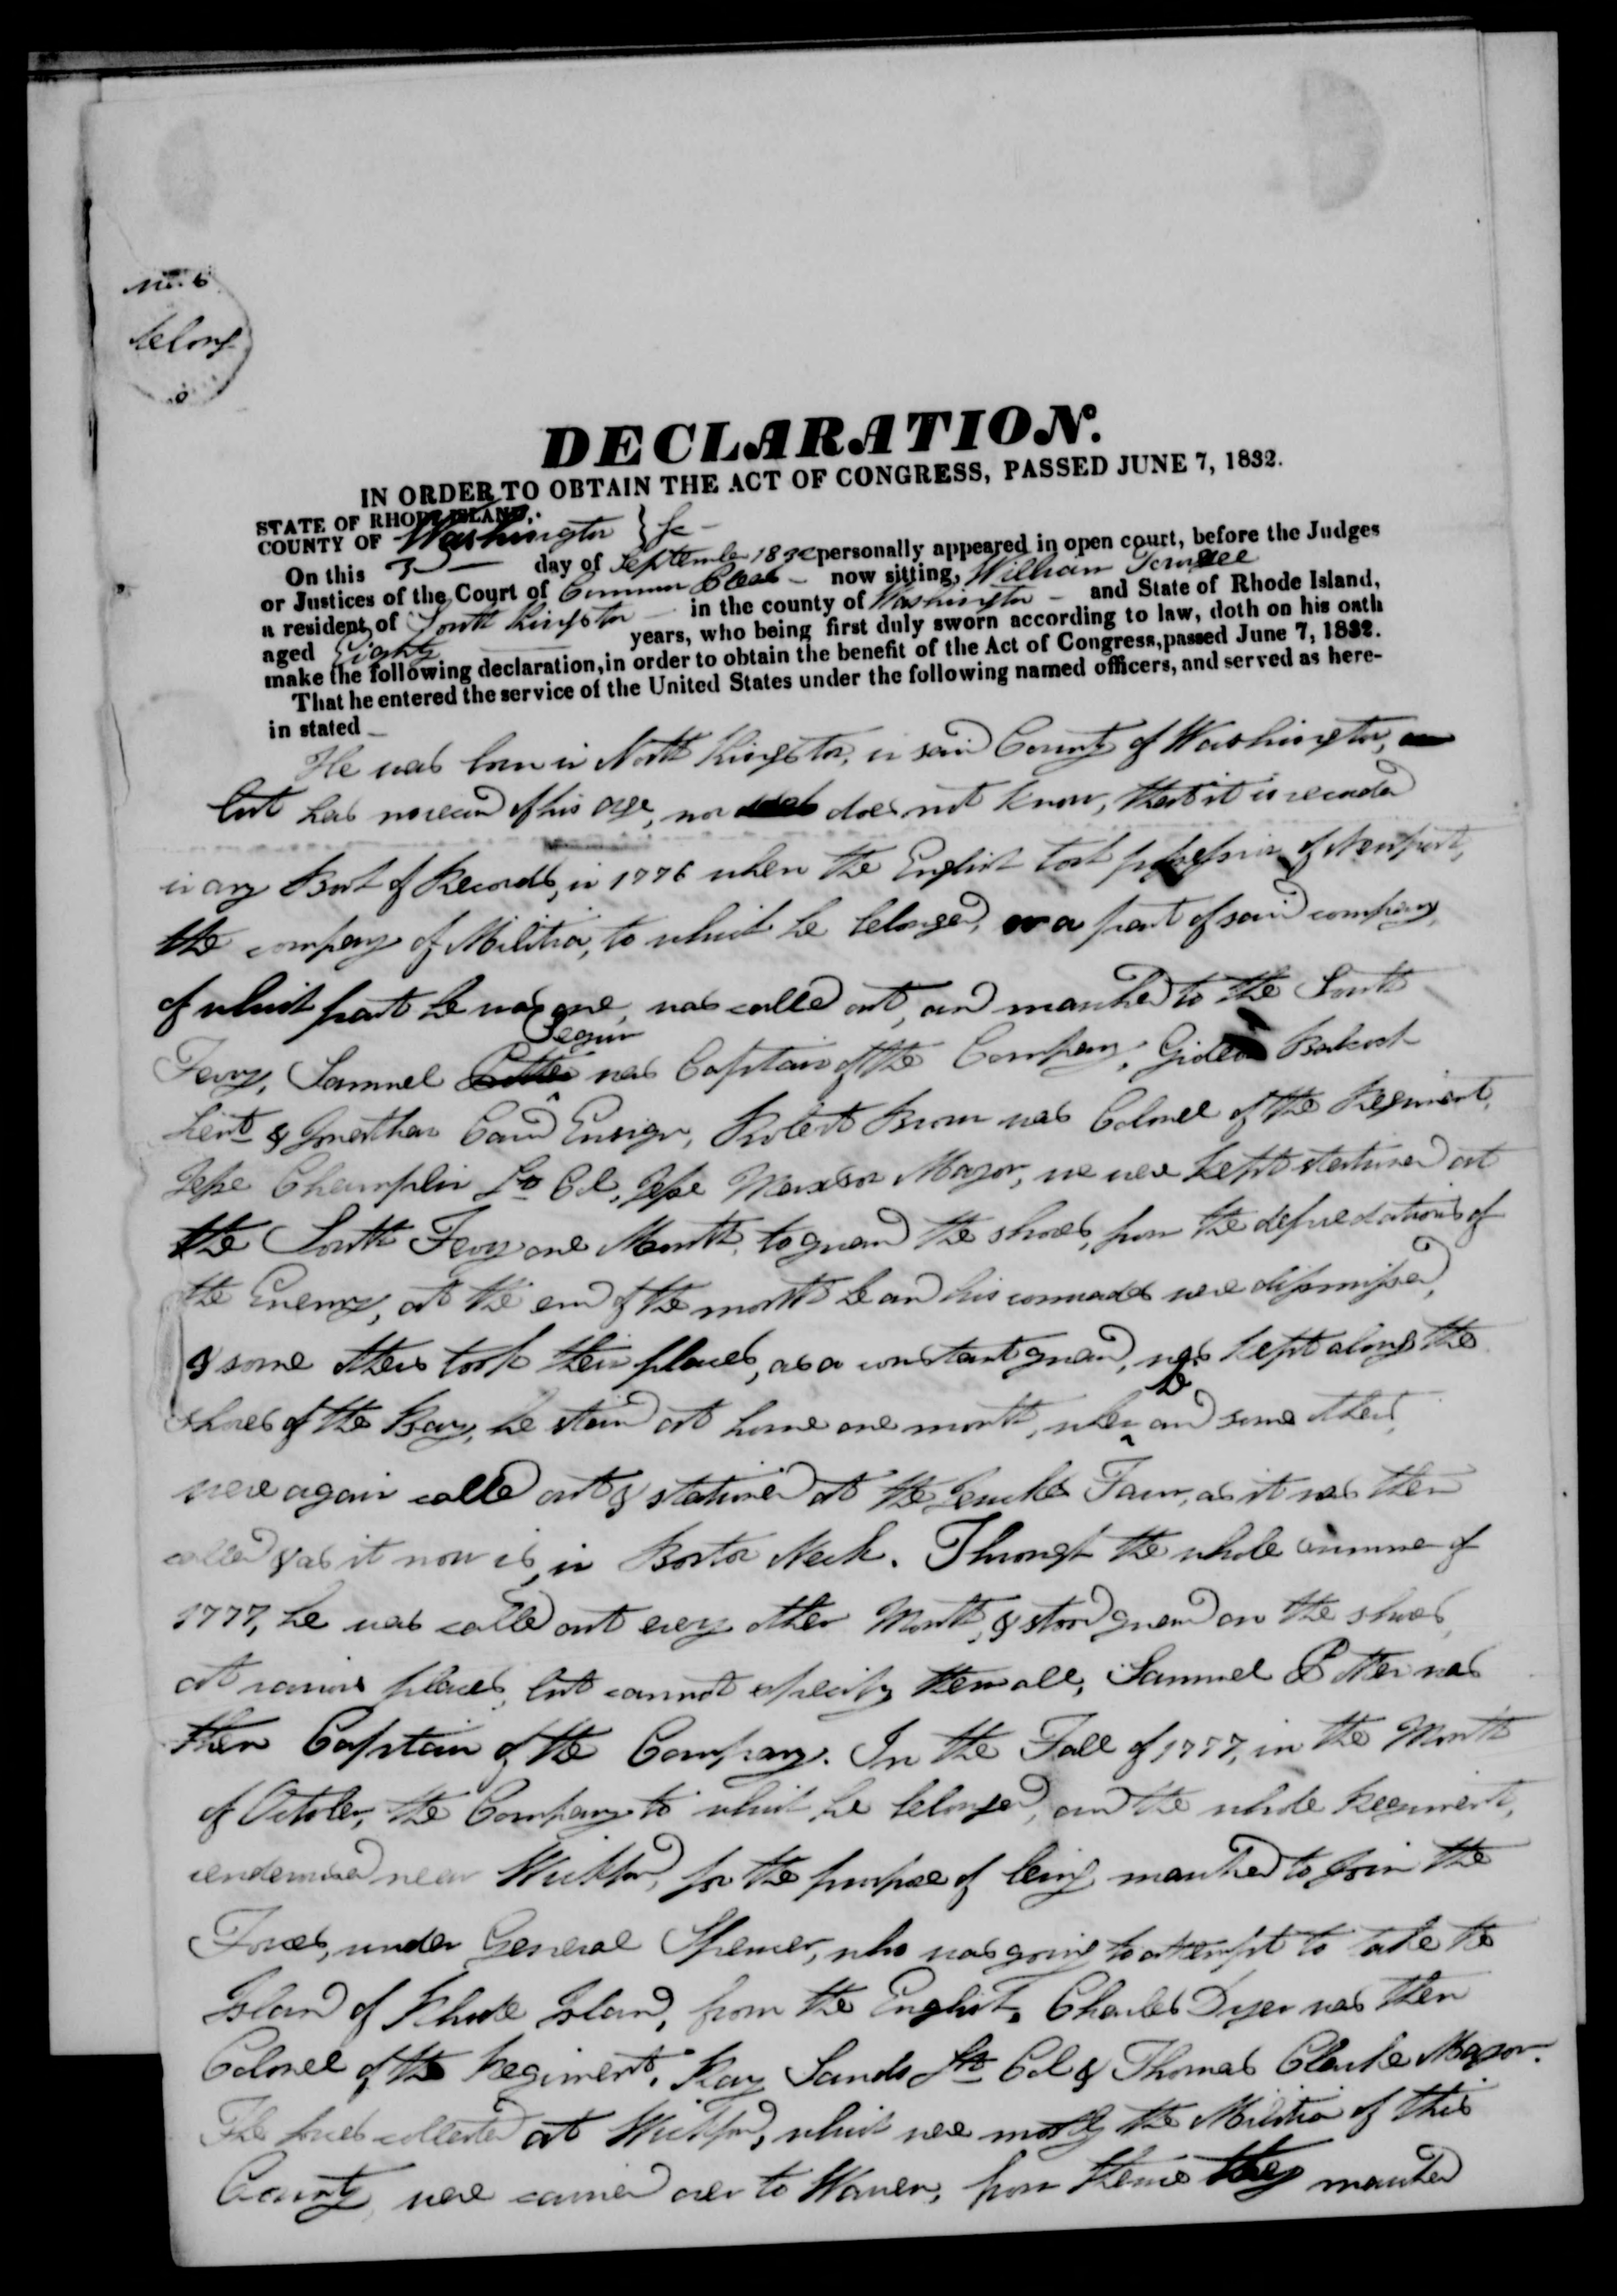No. 6 [illegible handwritten note in circle in top left corner]
DECLARATION.
IN ORDER TO OBTAIN THE ACT OF CONGRESS, PASSED JUNE 7, 1832.
STATE OF RHODE ISLAND
COUNTY OF Washington Se-
On this [?] day of September 183[?] personally 
appeared in open court, before the Judges or Justices of the Court of Common [illegible] now sitting, William Tourgee a resident of South Kingston in the county of Washington and State of Rhode Island, aged Eighty years, who being first duly sworn according to law, doth on his oath make the following declaration, in order to obtain the benefit of the Act of Congress, passed June 7, 1832.
That he entered the service of the United States under the following named officers, and served as herein stated
He was born in North Kingston in said County of Washington, but has no record of his age nor does not know, that it is recorded in any 
any Book of Records, in 1776 when the English took possession of Wentworth, the company of Militia, to which he belonged, or a part of said company of which part he was one, was called out, and marched to the South Ferry, Samuel Potter as Captain of the Company, Gideon Babcock, Leut & Jonathan Card Ensign, Robert Brown was Colonel of the Regiment,
Jesse Champlin Lt Col, Jesse Maxson Major, we were kept stationed at the South Ferry one Month to guard the shore for the depredations of the Enemy, at the end of the month he and his commands were dismissed, some others took their place, as a constant guard, kept along the shore of the Bay, he stand at home one month, him and some others, were again called out & stationed at the [illegible] Farm, as it was then called & as it now is Bristol Neck. Through the whole summer of 1777, he was called out every other month & stood guard on the shore at same place, but cannot [illegible] them all, Samuel Potter was then Captain of the Company. In the fall of 1777, in the month of October the company to which he belonged, and the whole regiment, [illegible] near Wickford, for the purpose of being marched to join the Forces, under General Spencer, who was going to attempt to take the Island of Rhode Island, from the English Charles Dyer was then Colonel of the Regiment, May Sands Lt Col & Thomas Clark Major. The force collected at Wickford, recollected at Milford, which were mostly the Militia of this County were [illegible] over to Warren, [illegible] then they marched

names: William Tourgee, Samuel Segur, Robert Brown, Jesse Champlin, Spencer, Samuel Potter, Gideon Babcock, Jonathan Cand, Charles Dyer, Thomas Clarke, Jesse Maxson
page: 3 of 21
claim: survivor's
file: S. 21537, William Tourgee, R.I.